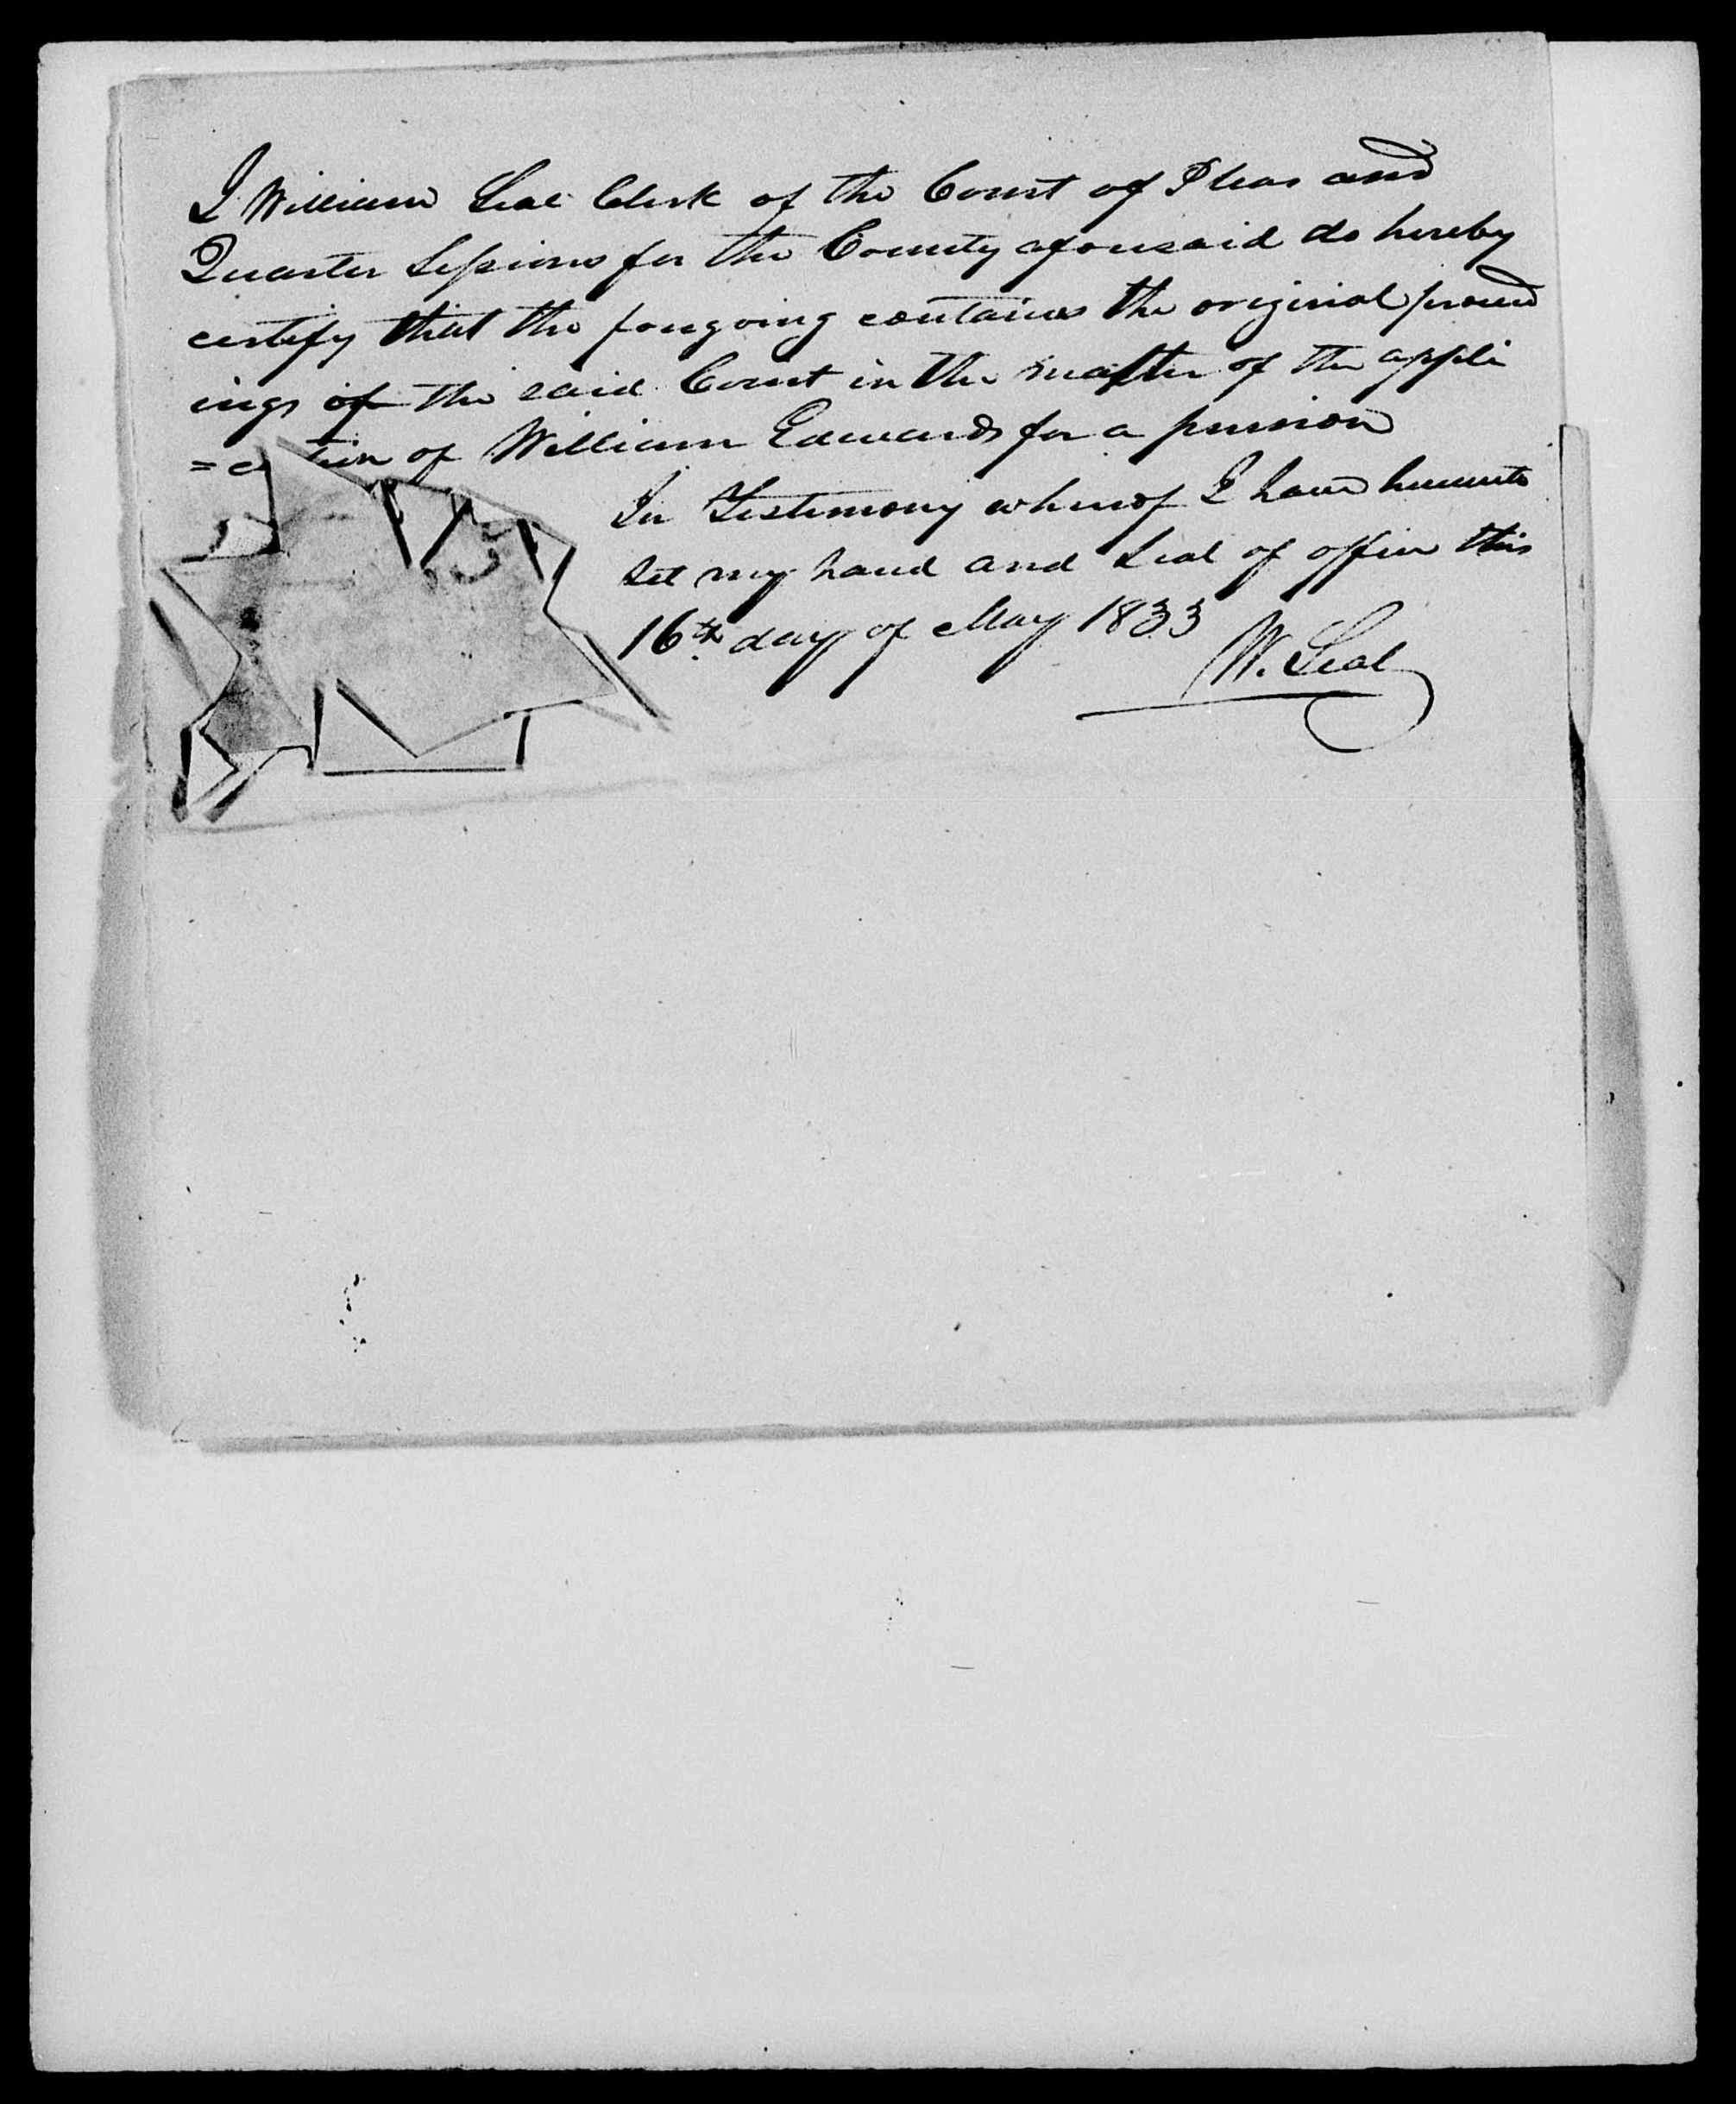I William Seal Clerk of the Court of Pleas and Quarter Sessions for the County aforesaid do hereby certify that the foregoing contains the original proceedings of the said Court in the matter of the application of William Edwards for a pension
In Testimony whereof I have hereunto set my hand and Seal of office this 16th day of May 1833
W. Seal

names: William Leal, William Edwards, W Leal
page: 22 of 47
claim: survivor's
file: S. 3,322, William Edwards, Va.